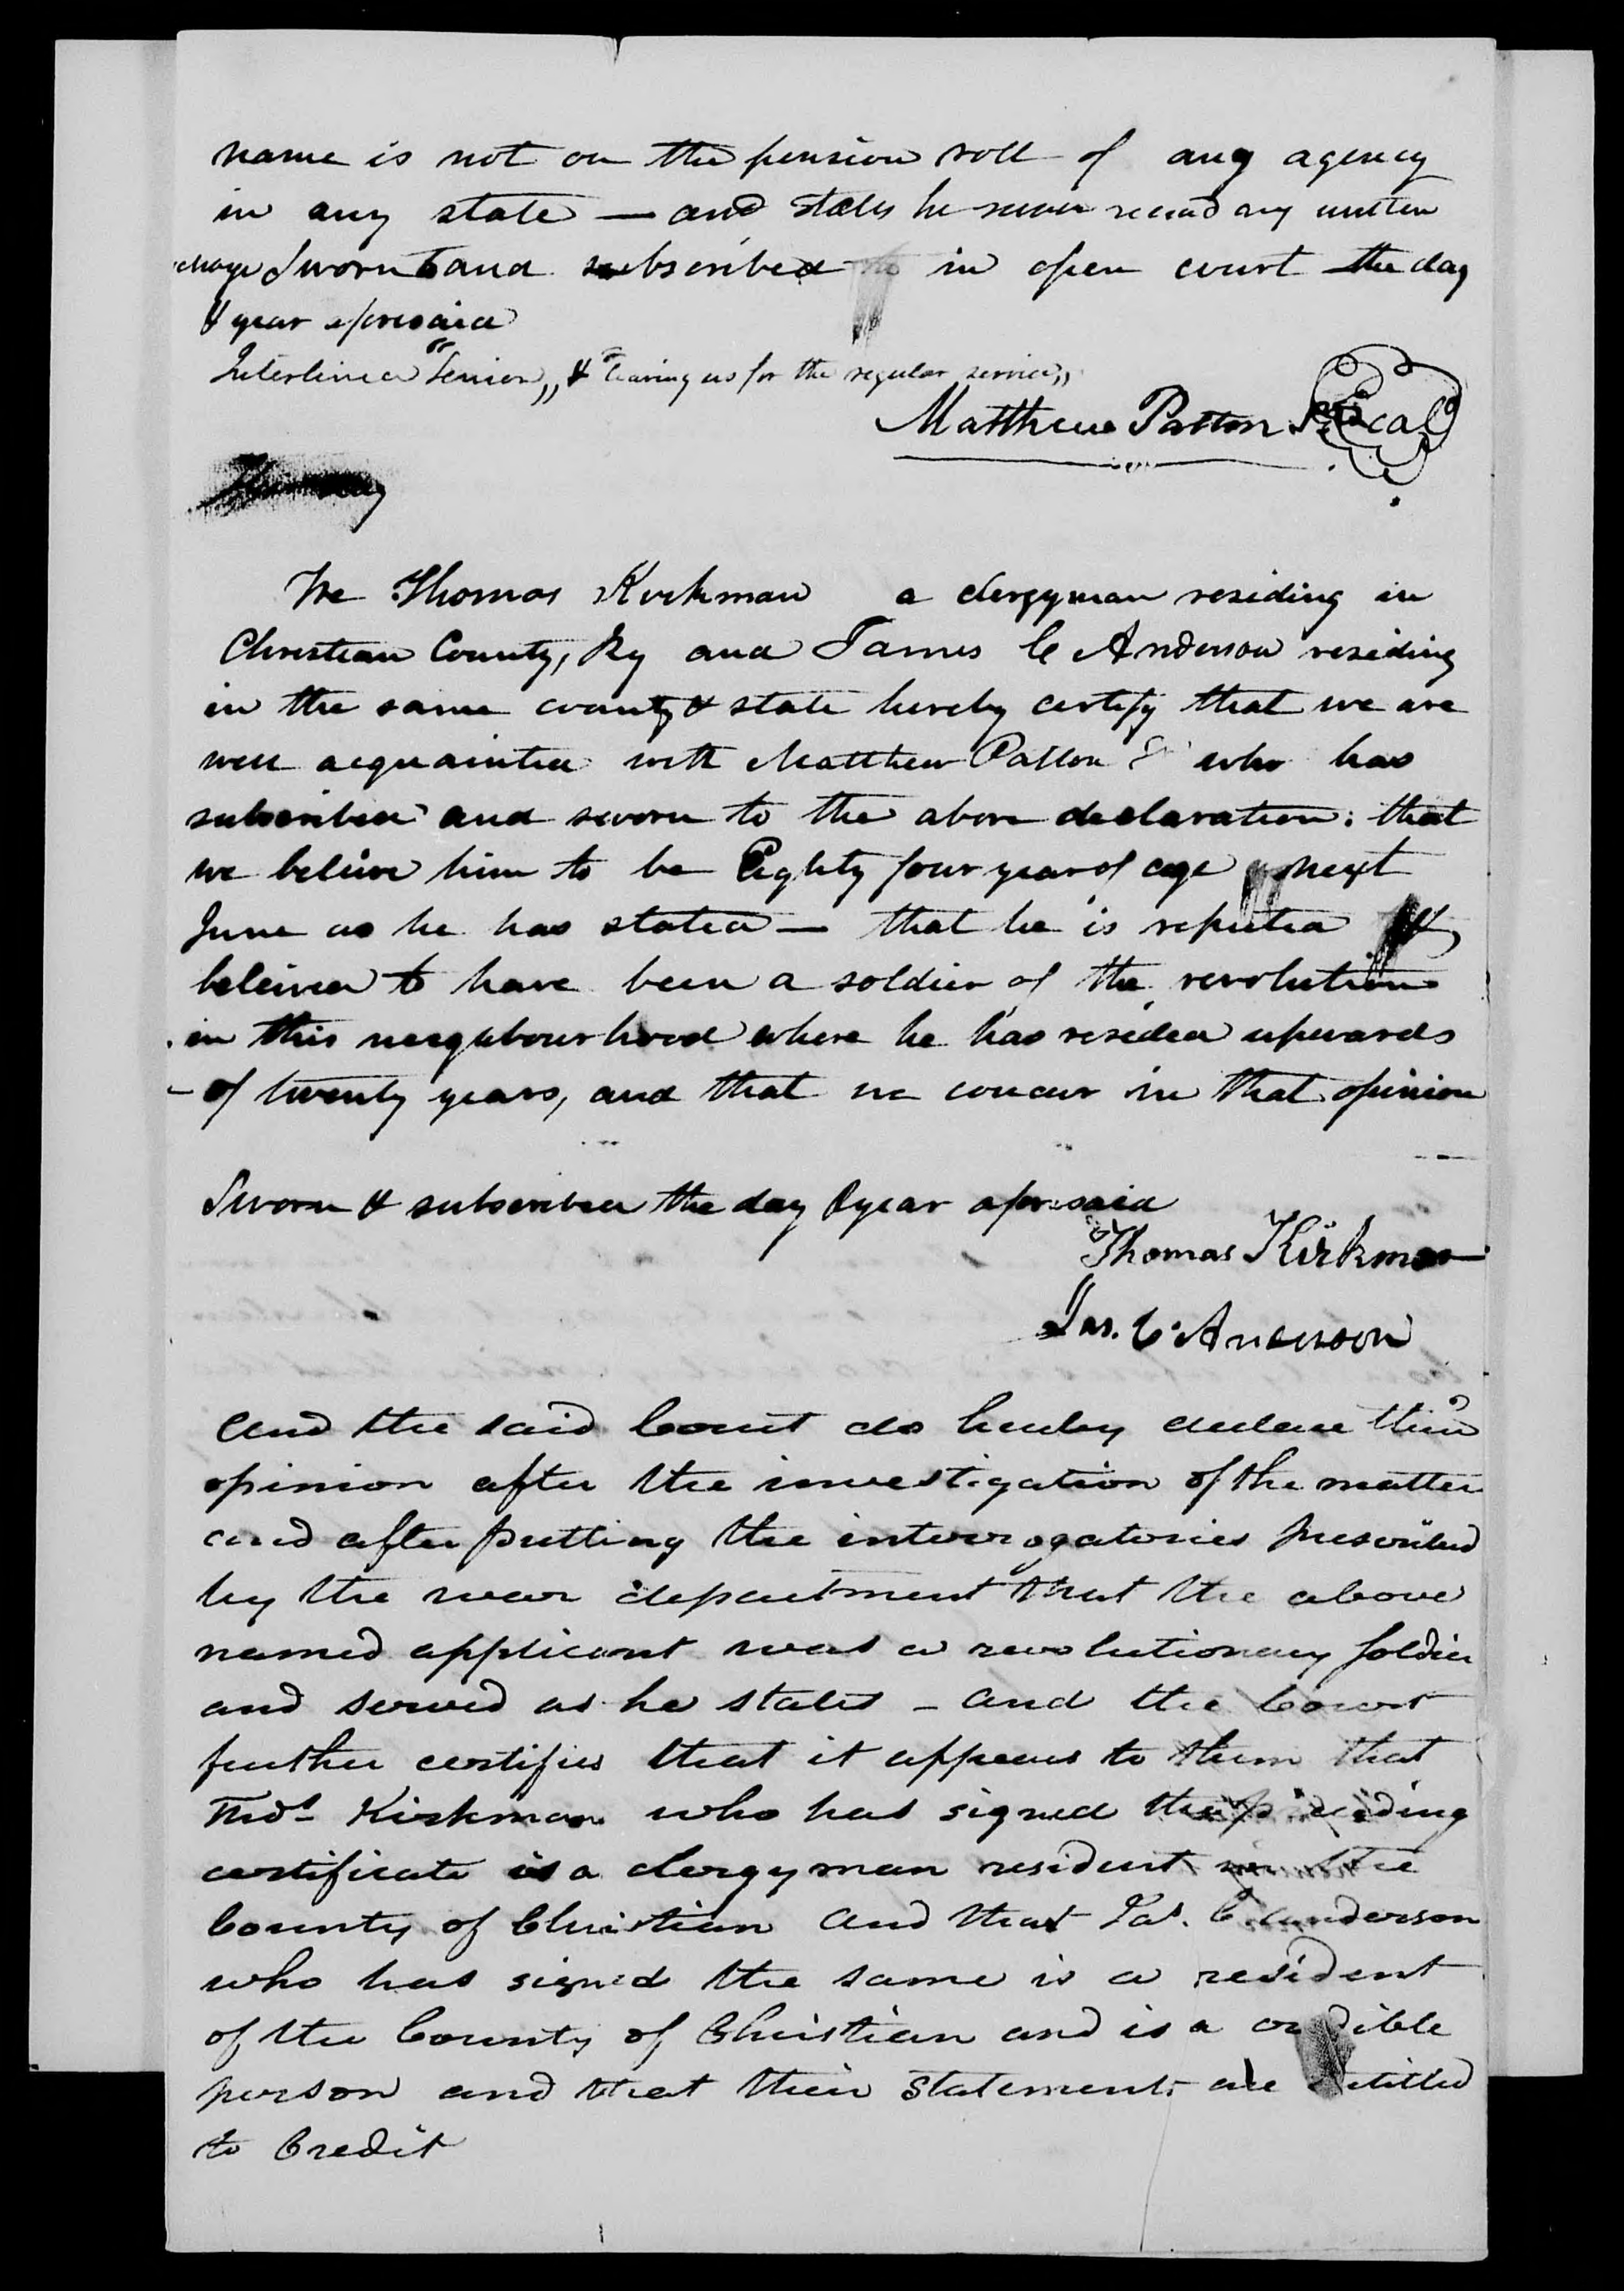name is not on the pension roll of any agency
in any state- and states he never received any written discharge.  Sworn and subscribed to in open court the day & year aforesaid
Interliner "Senior" & "leaving us for the regular service"
Matthew Patton  [written seal]
We Thomas Kirkman a clergyman residing in
Christian County, Ky and James C Anderson residing in the same county & state hereby certify that we are
well acquainted with Matthew Patton who has
subscribed and sworn to the above declaration; that we believe him to be Eighty four years of age next June as he has stated that he is reputed & believed to have been a soldier of the revolution
in this neighbourhood where he has resided upwards of twenty years, and that we concur in that opinion
Sworn & subscribed the day year aforesaid
Thomas Kirkman
Jas C Anderson
And the said Court do hereby declare their
opinion after the investigation of the matter
and after putting the interrogatories prescribed by the war department that the above named applicant was a revolutionary soldier and served as he states and the Court
further certifies that it appears to them that
Thos Kirkman who has signed the preceding
certificate is a clergyman resident the
County of Christian and that Jas. C Anderson
who has signed the same is a resident
of the County of Christian and is a credible
person and that their statements are titled
to Credit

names: Thomas Kirkman; Matthew Patton; James C Anderson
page: 9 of 45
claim: survivor's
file: S. 31294, for Matthew Patton, Maryland